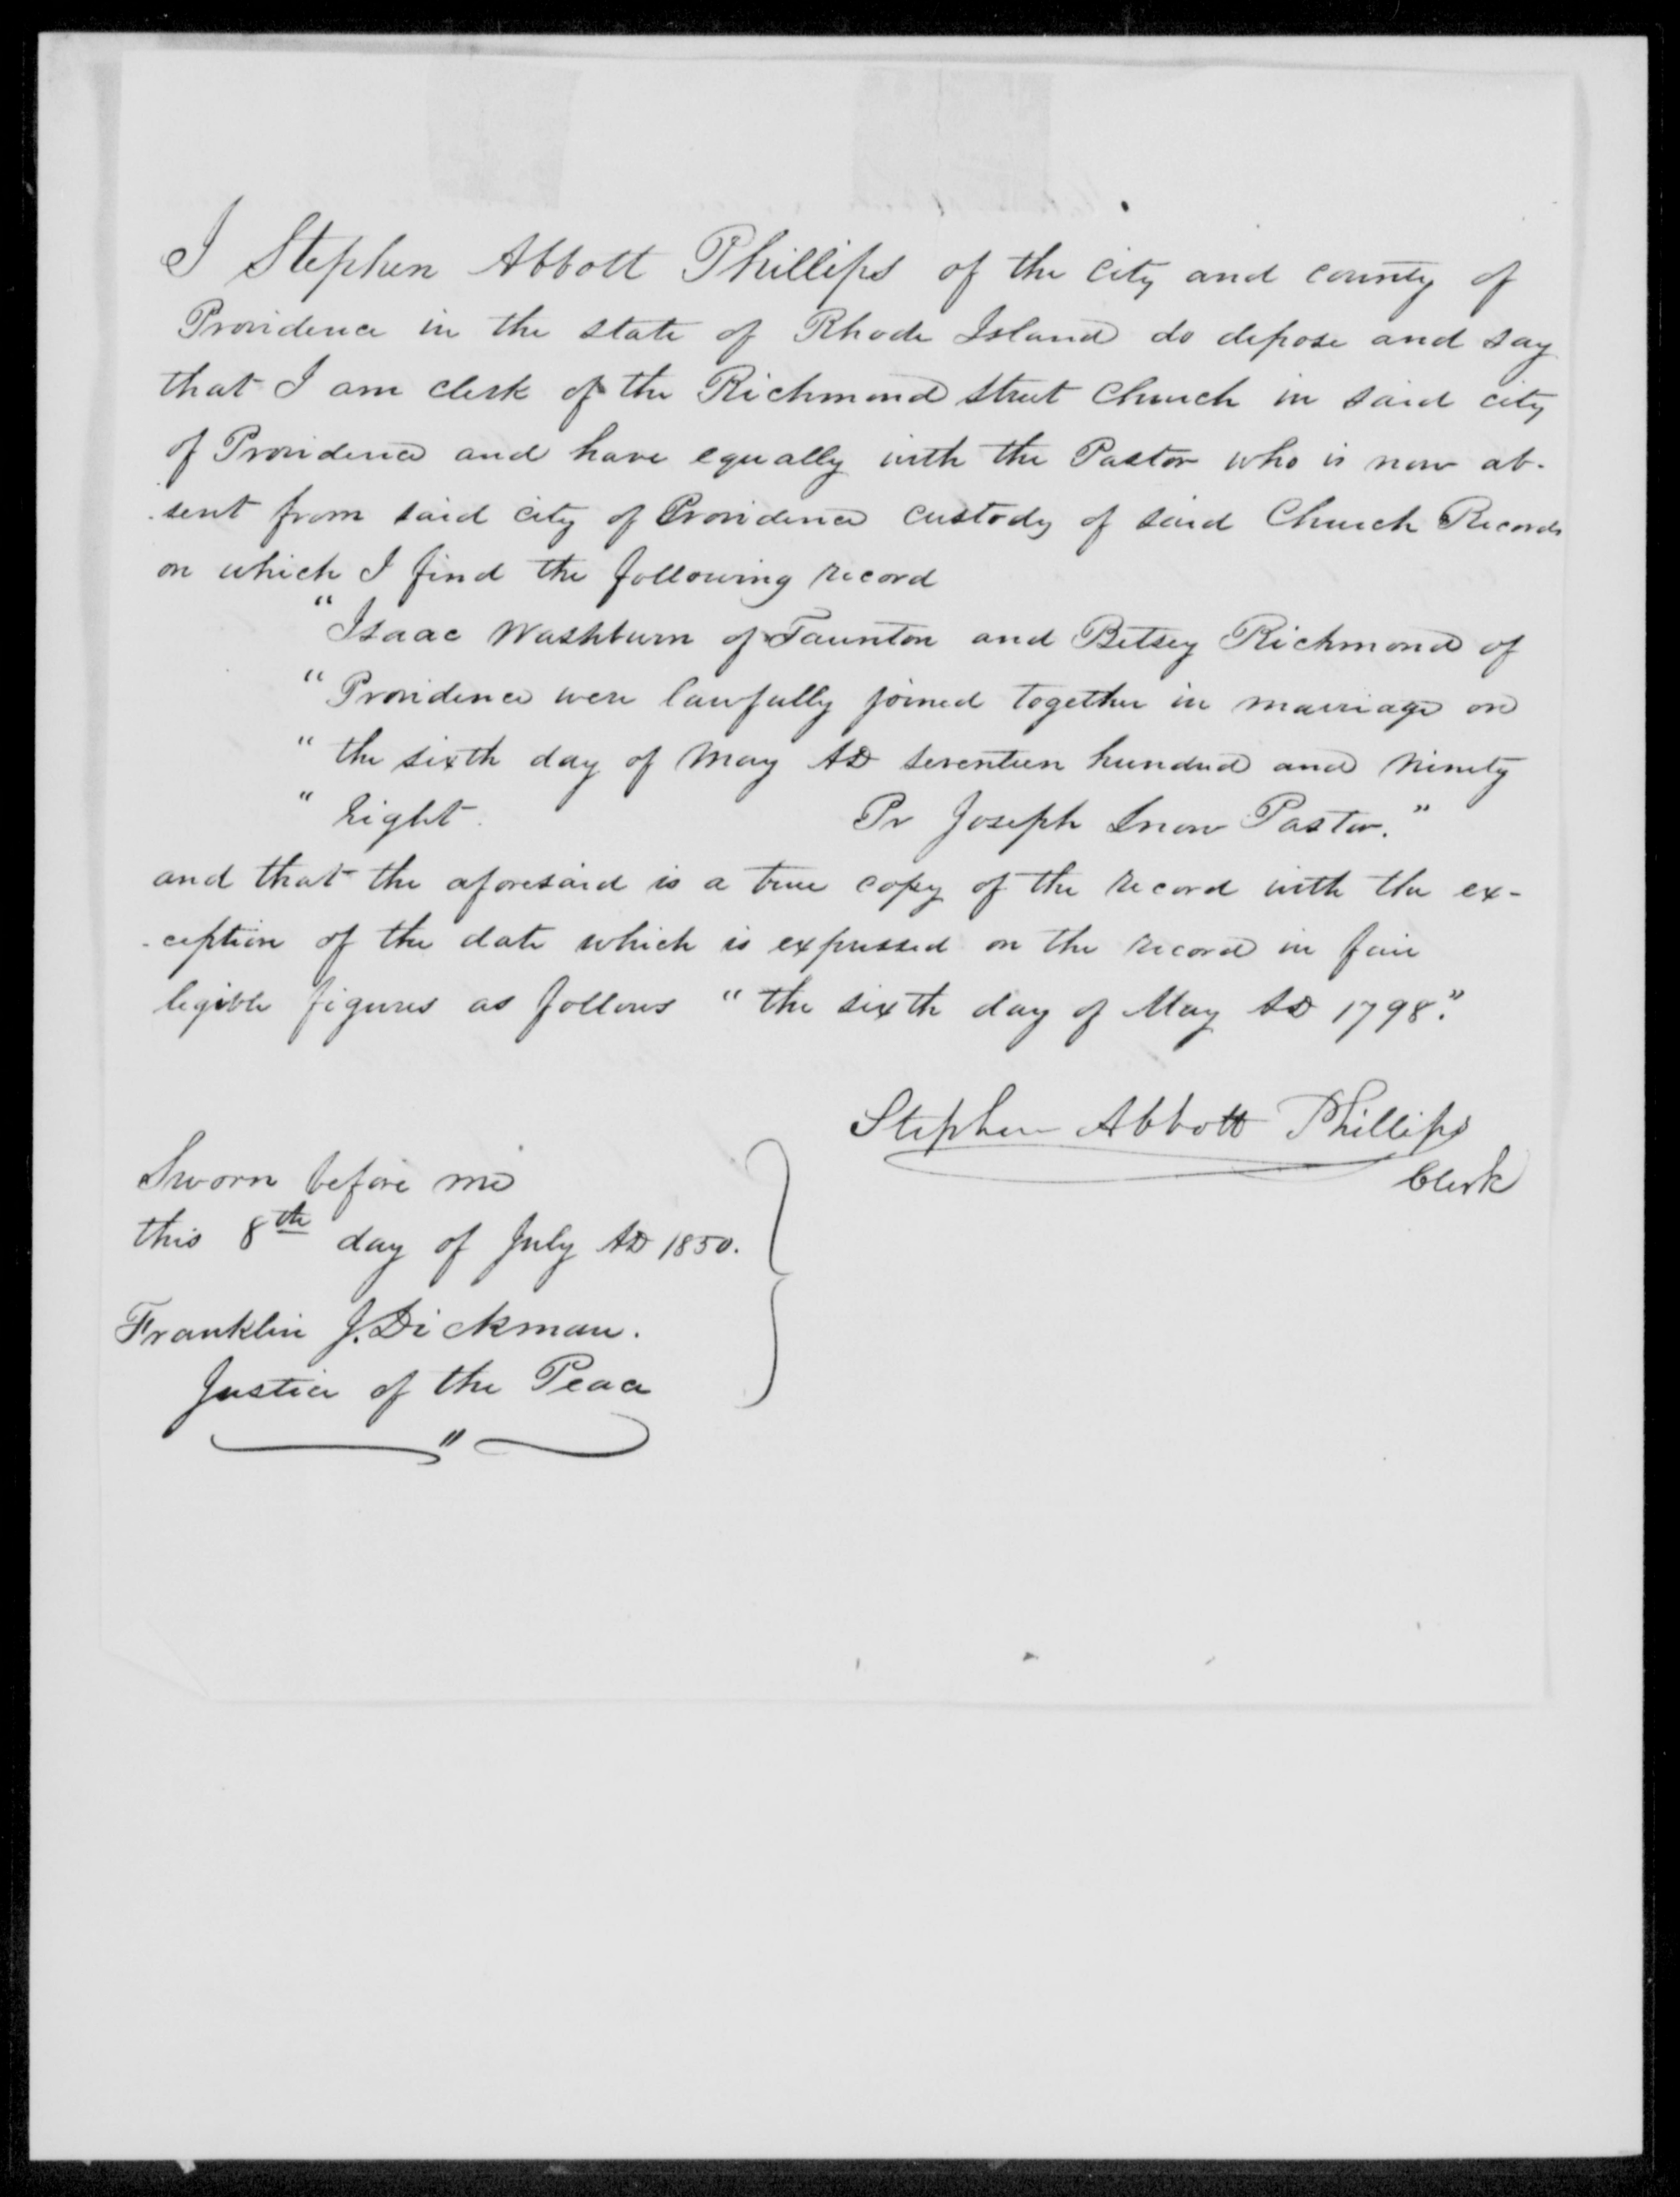I Stephen Abbott Phillips of the city and county of Providence in the state of Rhode do depose and say that I am clerk of the Richmond Street Church in said city of Providence and have equally with the Pastor who is now absent from said city of Providence custody of said Church Records. on which I find the following record 
  “ Isaac Washburn of Taunton and Betsey Richmond of 
  “ Providence were lawfully joined together in marriage on
  “ the sixth day of Ma AD seventeen hundred and ninety 
  “ eight                       On Joseph Sow Pastor.”

and that the aforesaid is a true copy of the record with the exception of the date which which is expressed on the record in plain legible figures as follows “the sixth day of May AD 1798.”

   Stephen Abbott Phillips 
           Clerk

Sworn before me }
this 8th day of July AD 1850 }
Franklin J. Dickman }
  Justice of the Peace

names: Stephen Abbott Phillips, Joseph Snow, Franklin J Dickman, Isaac Washburn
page: 11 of 34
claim: widow's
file: W. 1677, Isaac Washburn, Mass.